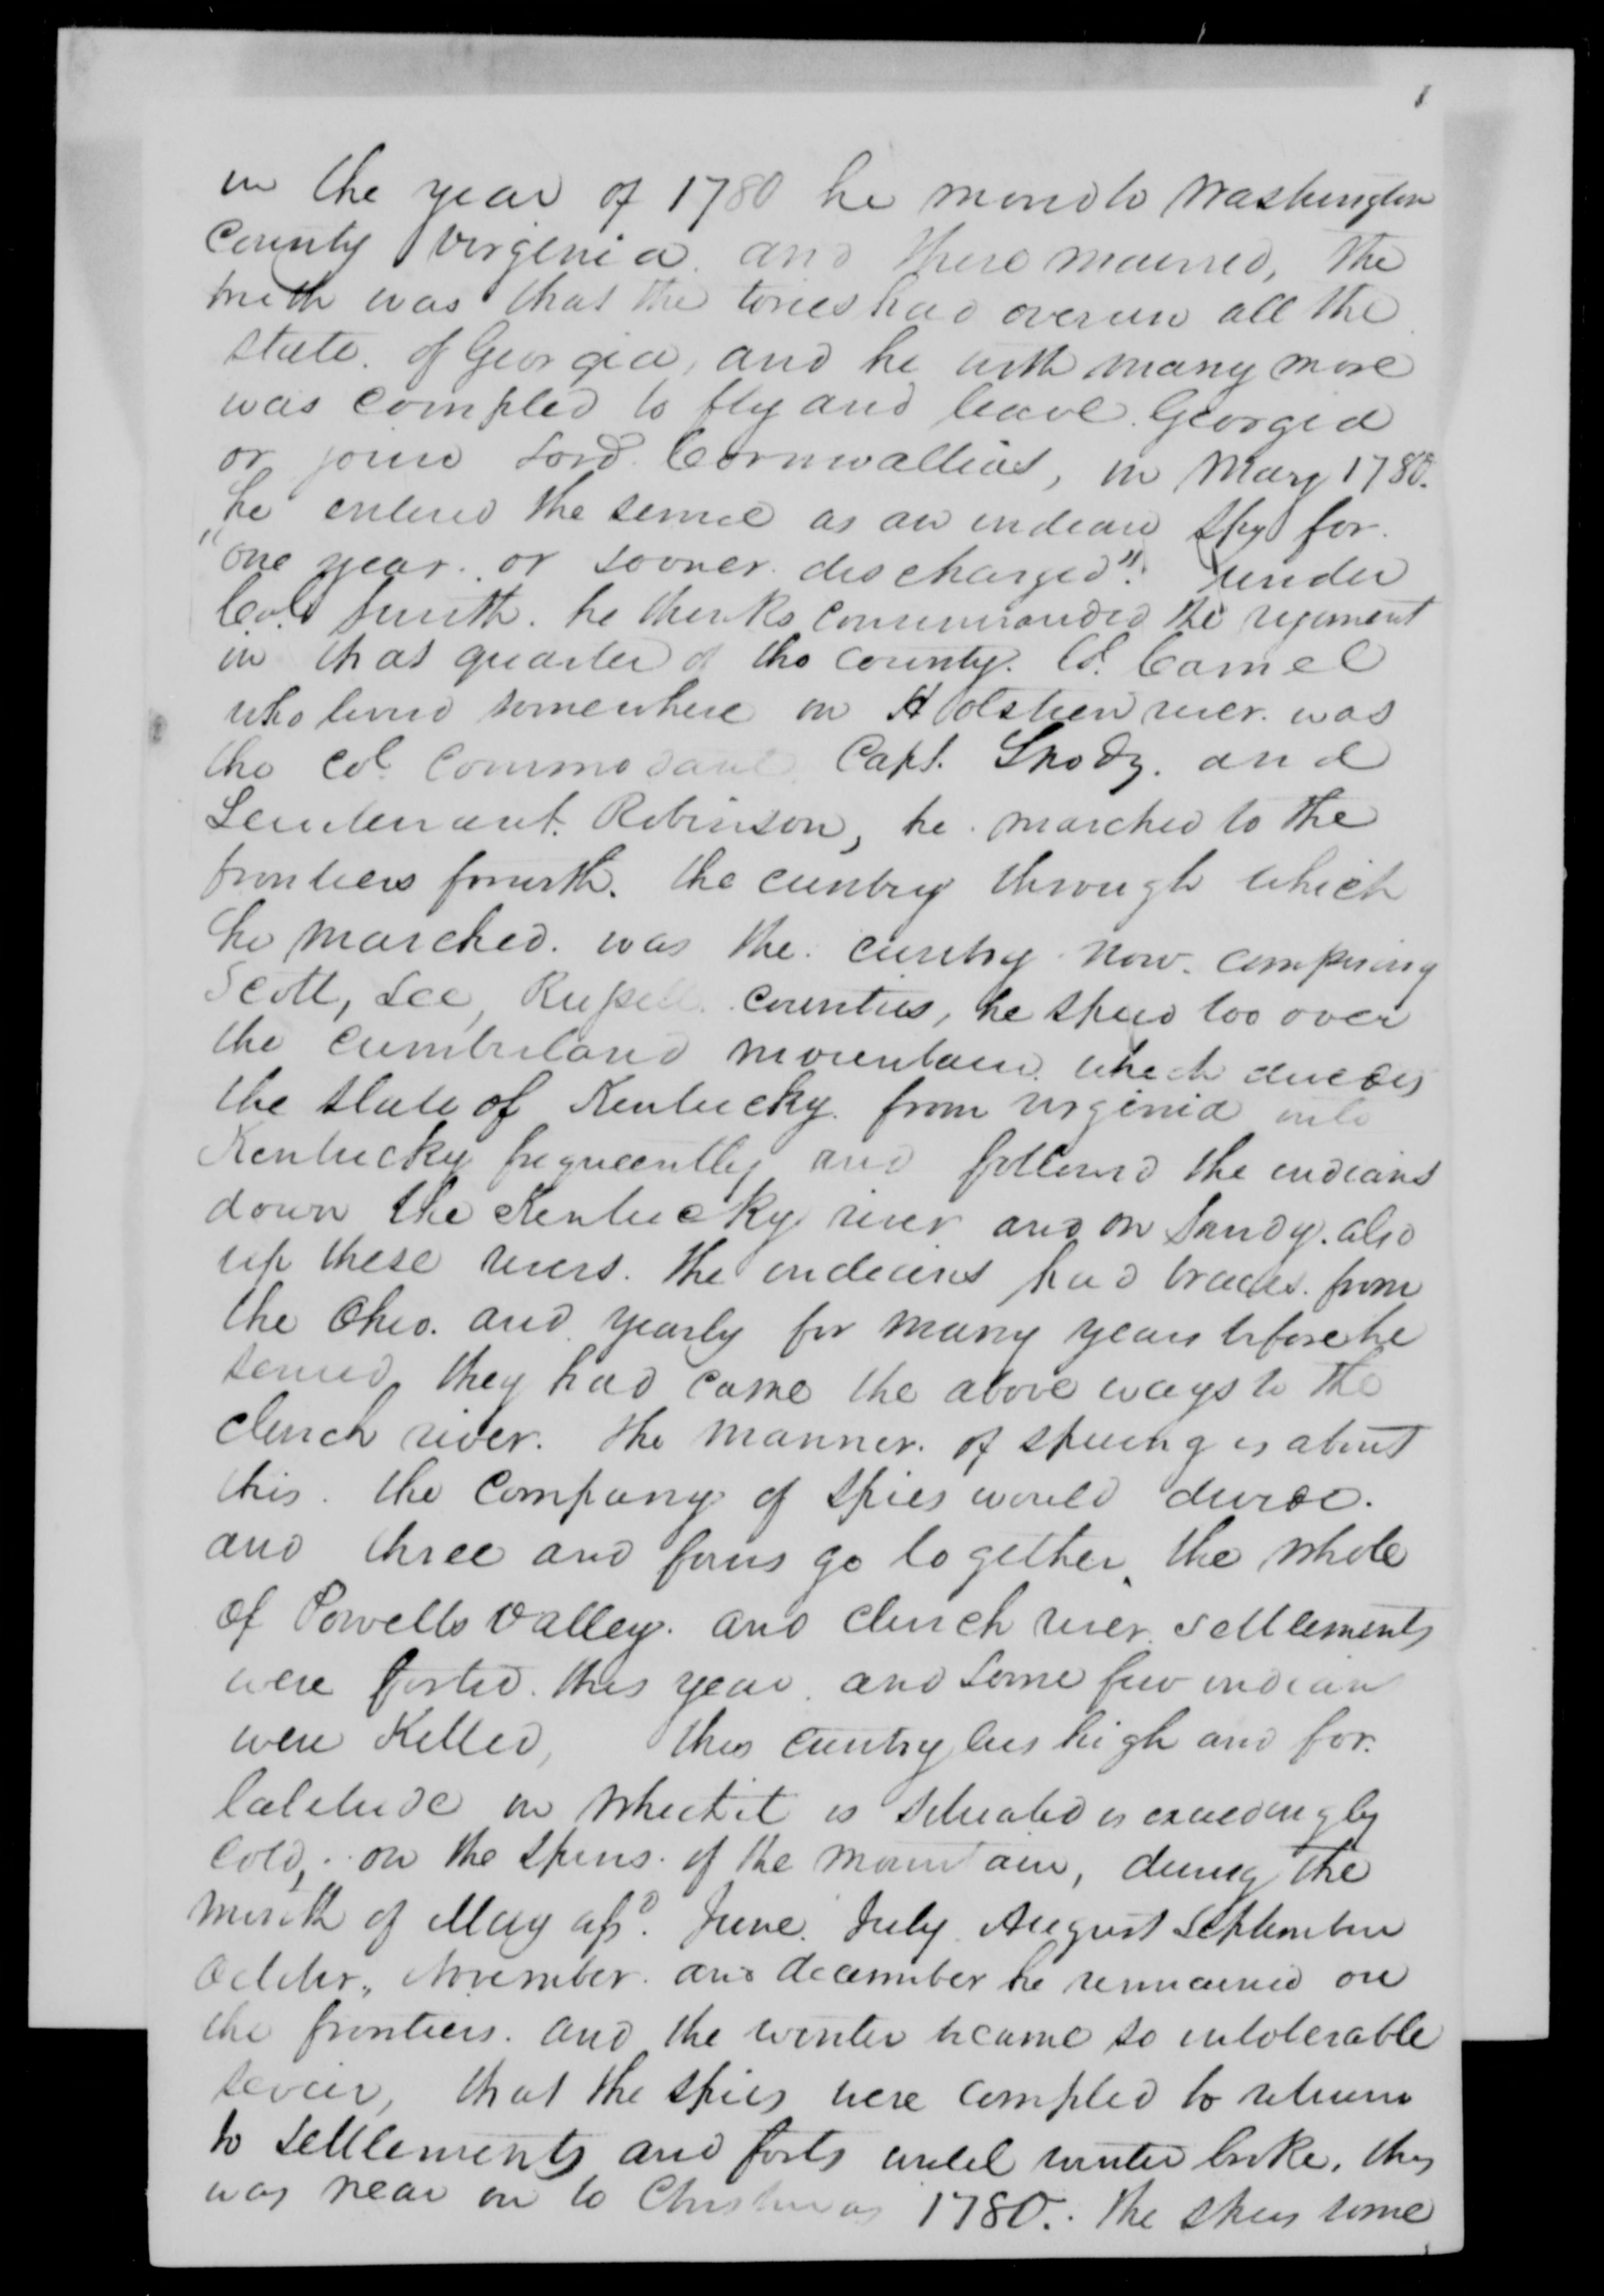in the year of 1780 he moved to Washington County Virginia and there remained the truth was that the Tories had over run all the State of Georgia , and he with many more was compelled to fly and leave Georgia or join for Cornwallis, in May 1780 he entered the service as an Indian spy for "one year or sooner discharged " under Col. Smith he thinks commanded the Regiment in that quarter of the County Col. Camel, who lived somewhere on Holstein river, was the Col. Commandant Capt. Snody and Lieutenant Robinson , he marched to the frontiers forth the country through which he marched was the country now company  Scott, Lee , Russell Counties, he spied too over the Cumberland mountain which divides the State of Kentucky from Virginia into Kentucky frequently and followed the Indians down the Kentucky river and on Sandy also up these rivers. The Indians had two tracks from the Ohio and yearly for many years before he served, they had come the above ways to the Clinch river . The manner of spying is about this, the Company of spies would divide and three and four go together the whole of Powell's Valley and Clinch river settlements were forted this year and some few Indians were killed, this country lies high and for latitude in which it is situated is exceedingly cold on the spans of the mountain during the month of May , June, July , August, September, October, November and December he remained on the frontiers and the winter became so intolerable severe that the spies were compelled to return to settlements and forts until winter broke, they was near on to Christmas 1780, the spies some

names: Robinson, Smith, Camel, Snody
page: 23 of 100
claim: widow's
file: W. 6437, Richard Wells, Ga Va.